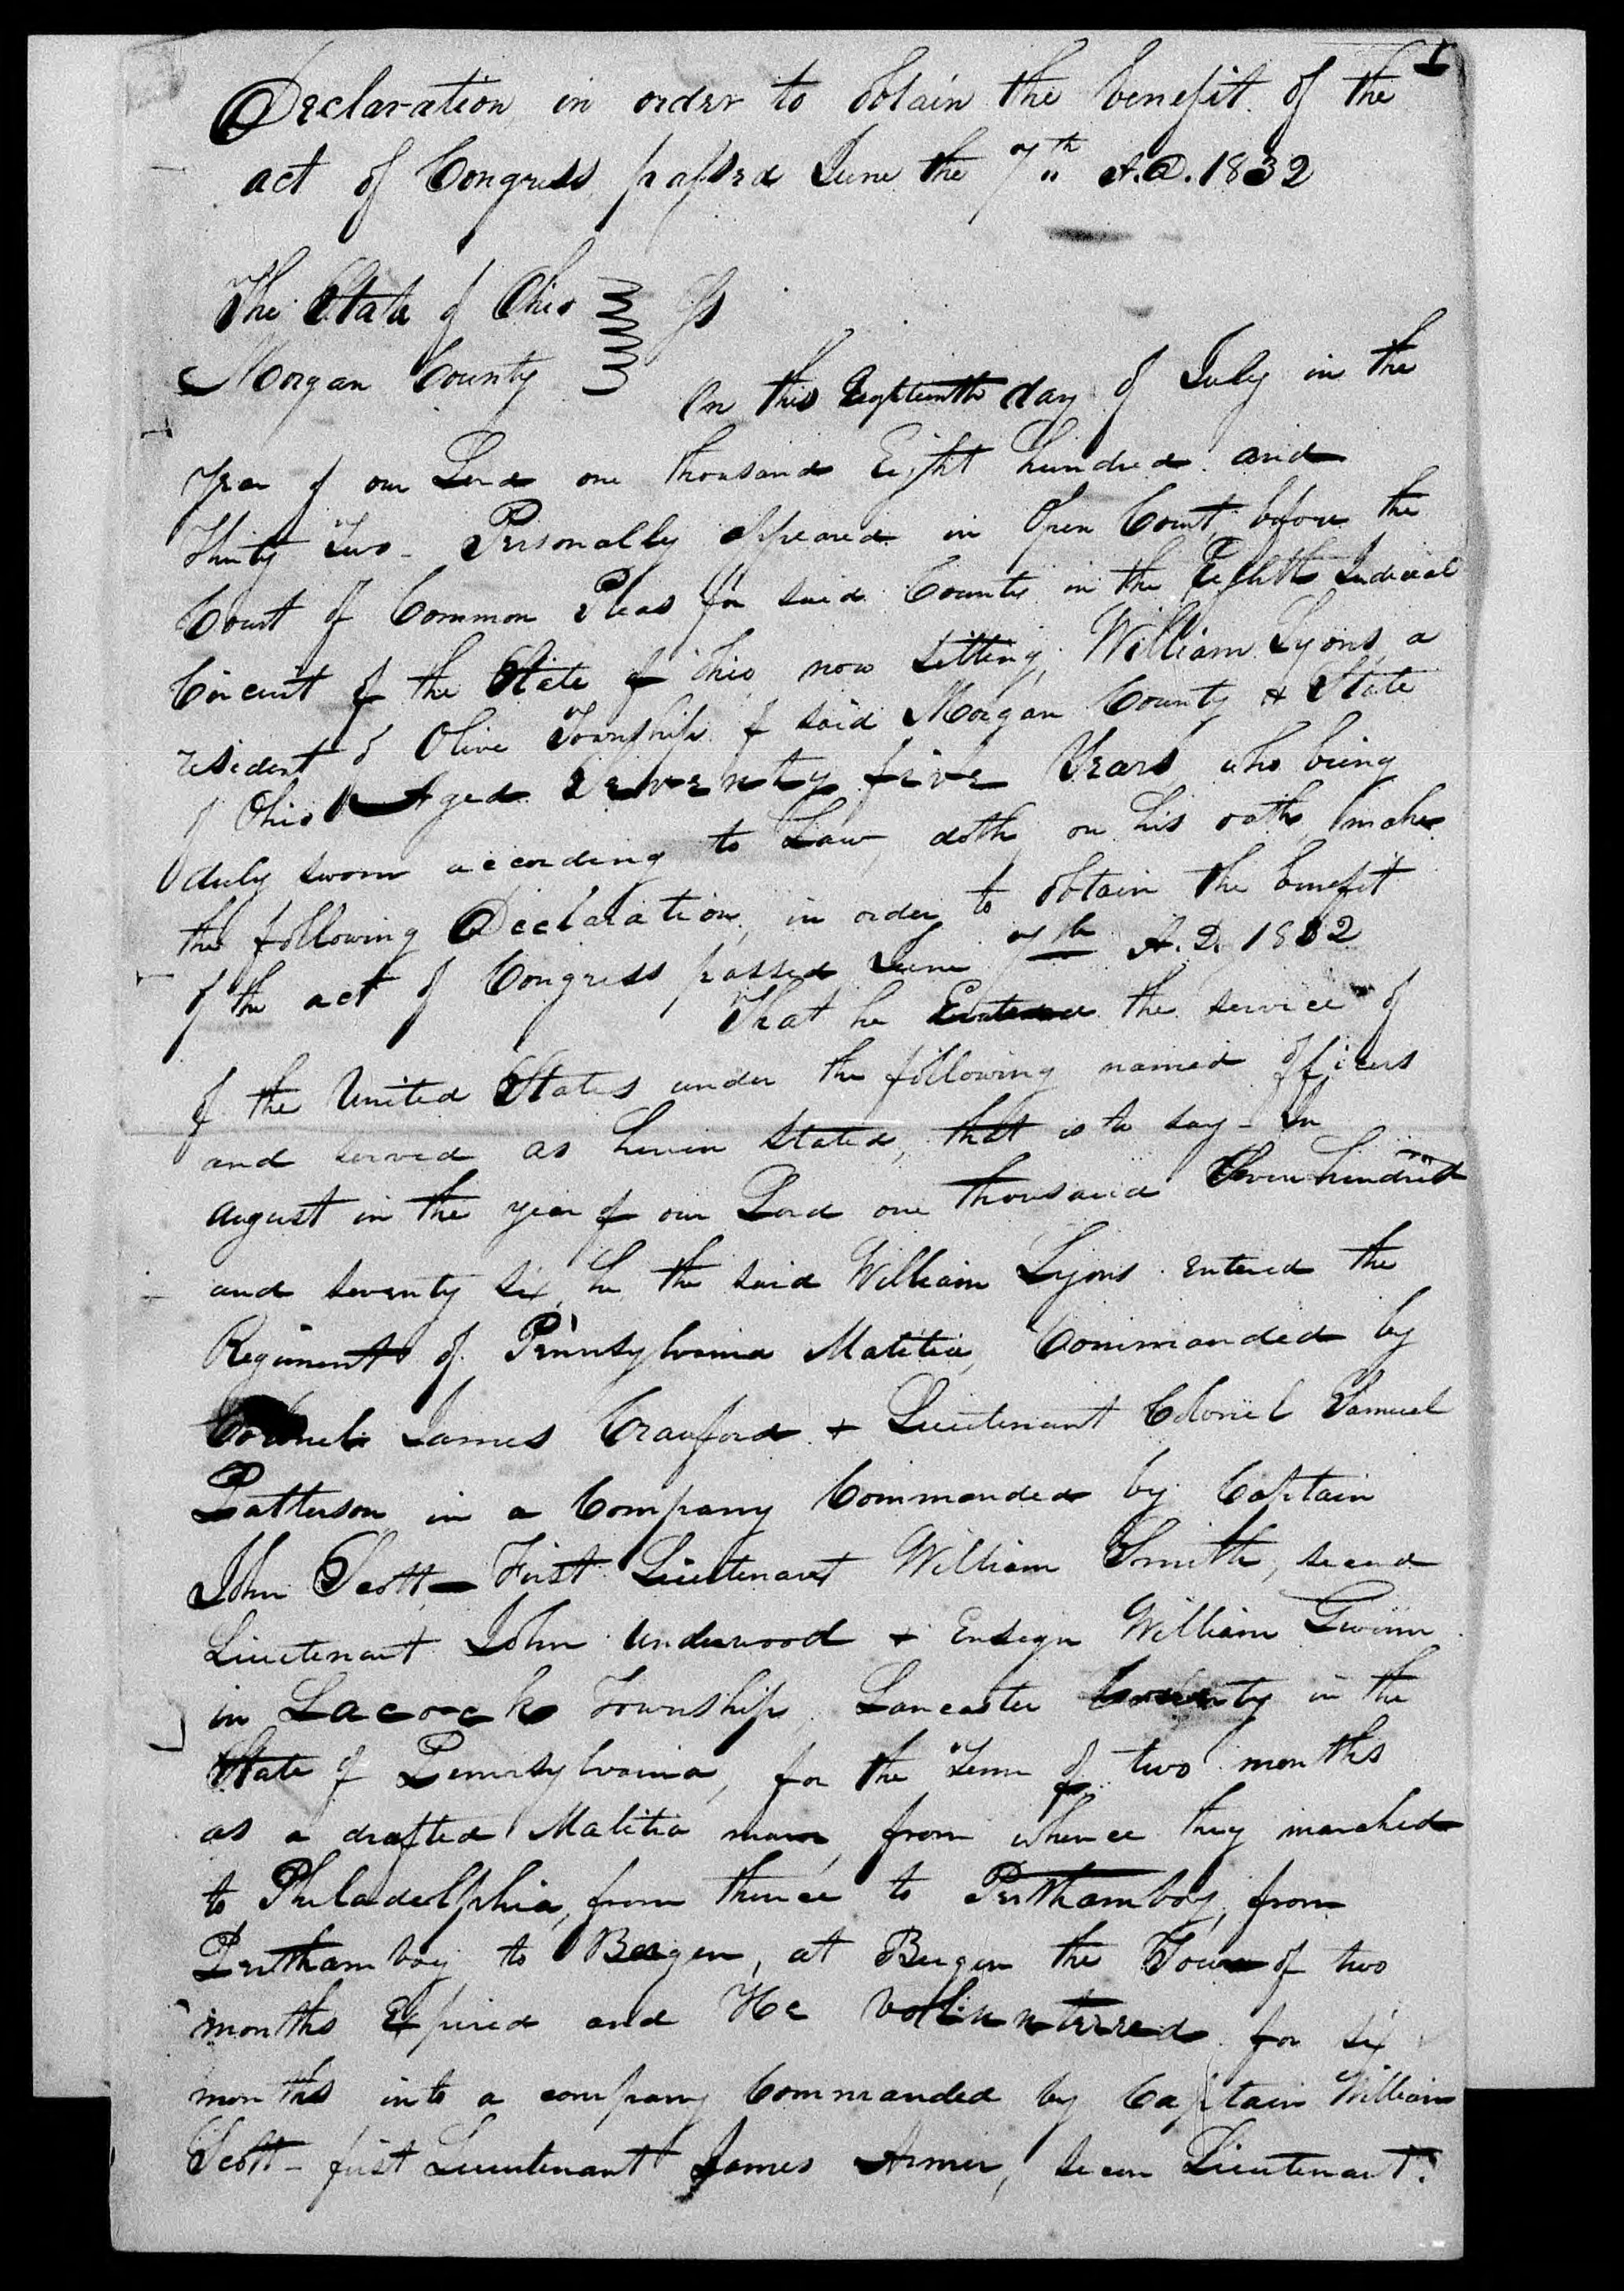Declaration in order to obtain the benefit of the act of Congress passed June the 7th A.D. 1832
The State of Ohio
Morgan County
On this eighteen day of July in the year of our Lord one thousand Eight hundred and Thirty Two. Personally appeared in Open Court before the Court of Common Pleas for said County in the Eighth Circuit of the State of this now sitting William Lyons a resident of Ohio Township of said Morgan County and State of Ohio aged Seventy five years who being duly sworn according to Law, doth on his oath make the following Declaration in order to obtain the benefit of the act of Congress passed June 7th A.D. 1832 
That he enlisted the service of the United States under the following named officers and served as herein stated, that is the day in August in the year of our Lord one thousand three hundred and Seventy six, he the said William Lyons entered the Regiment of Pennsylvania Militia, Commanded by Colonel James Crawford and Lieutenent William Smith served Lieutentan John Underwood and Ensign William Gwinn in Lacrock Township Lancaster County in the State of Pennsylvania, for the time of two months as drafted Militia when from whence them marched to Philadelphia, from thence to Pesthamboy , from Pesthanmboy to Bergen at Bergin the Tour of two months expired and He volunteered for six months into a company Commanded by Captain William Scott first Lieutenant James Armer, Sean Lieutenant.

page: 7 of 41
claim: survivor's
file: S. 4585, for William Lyons, Pennsylvania